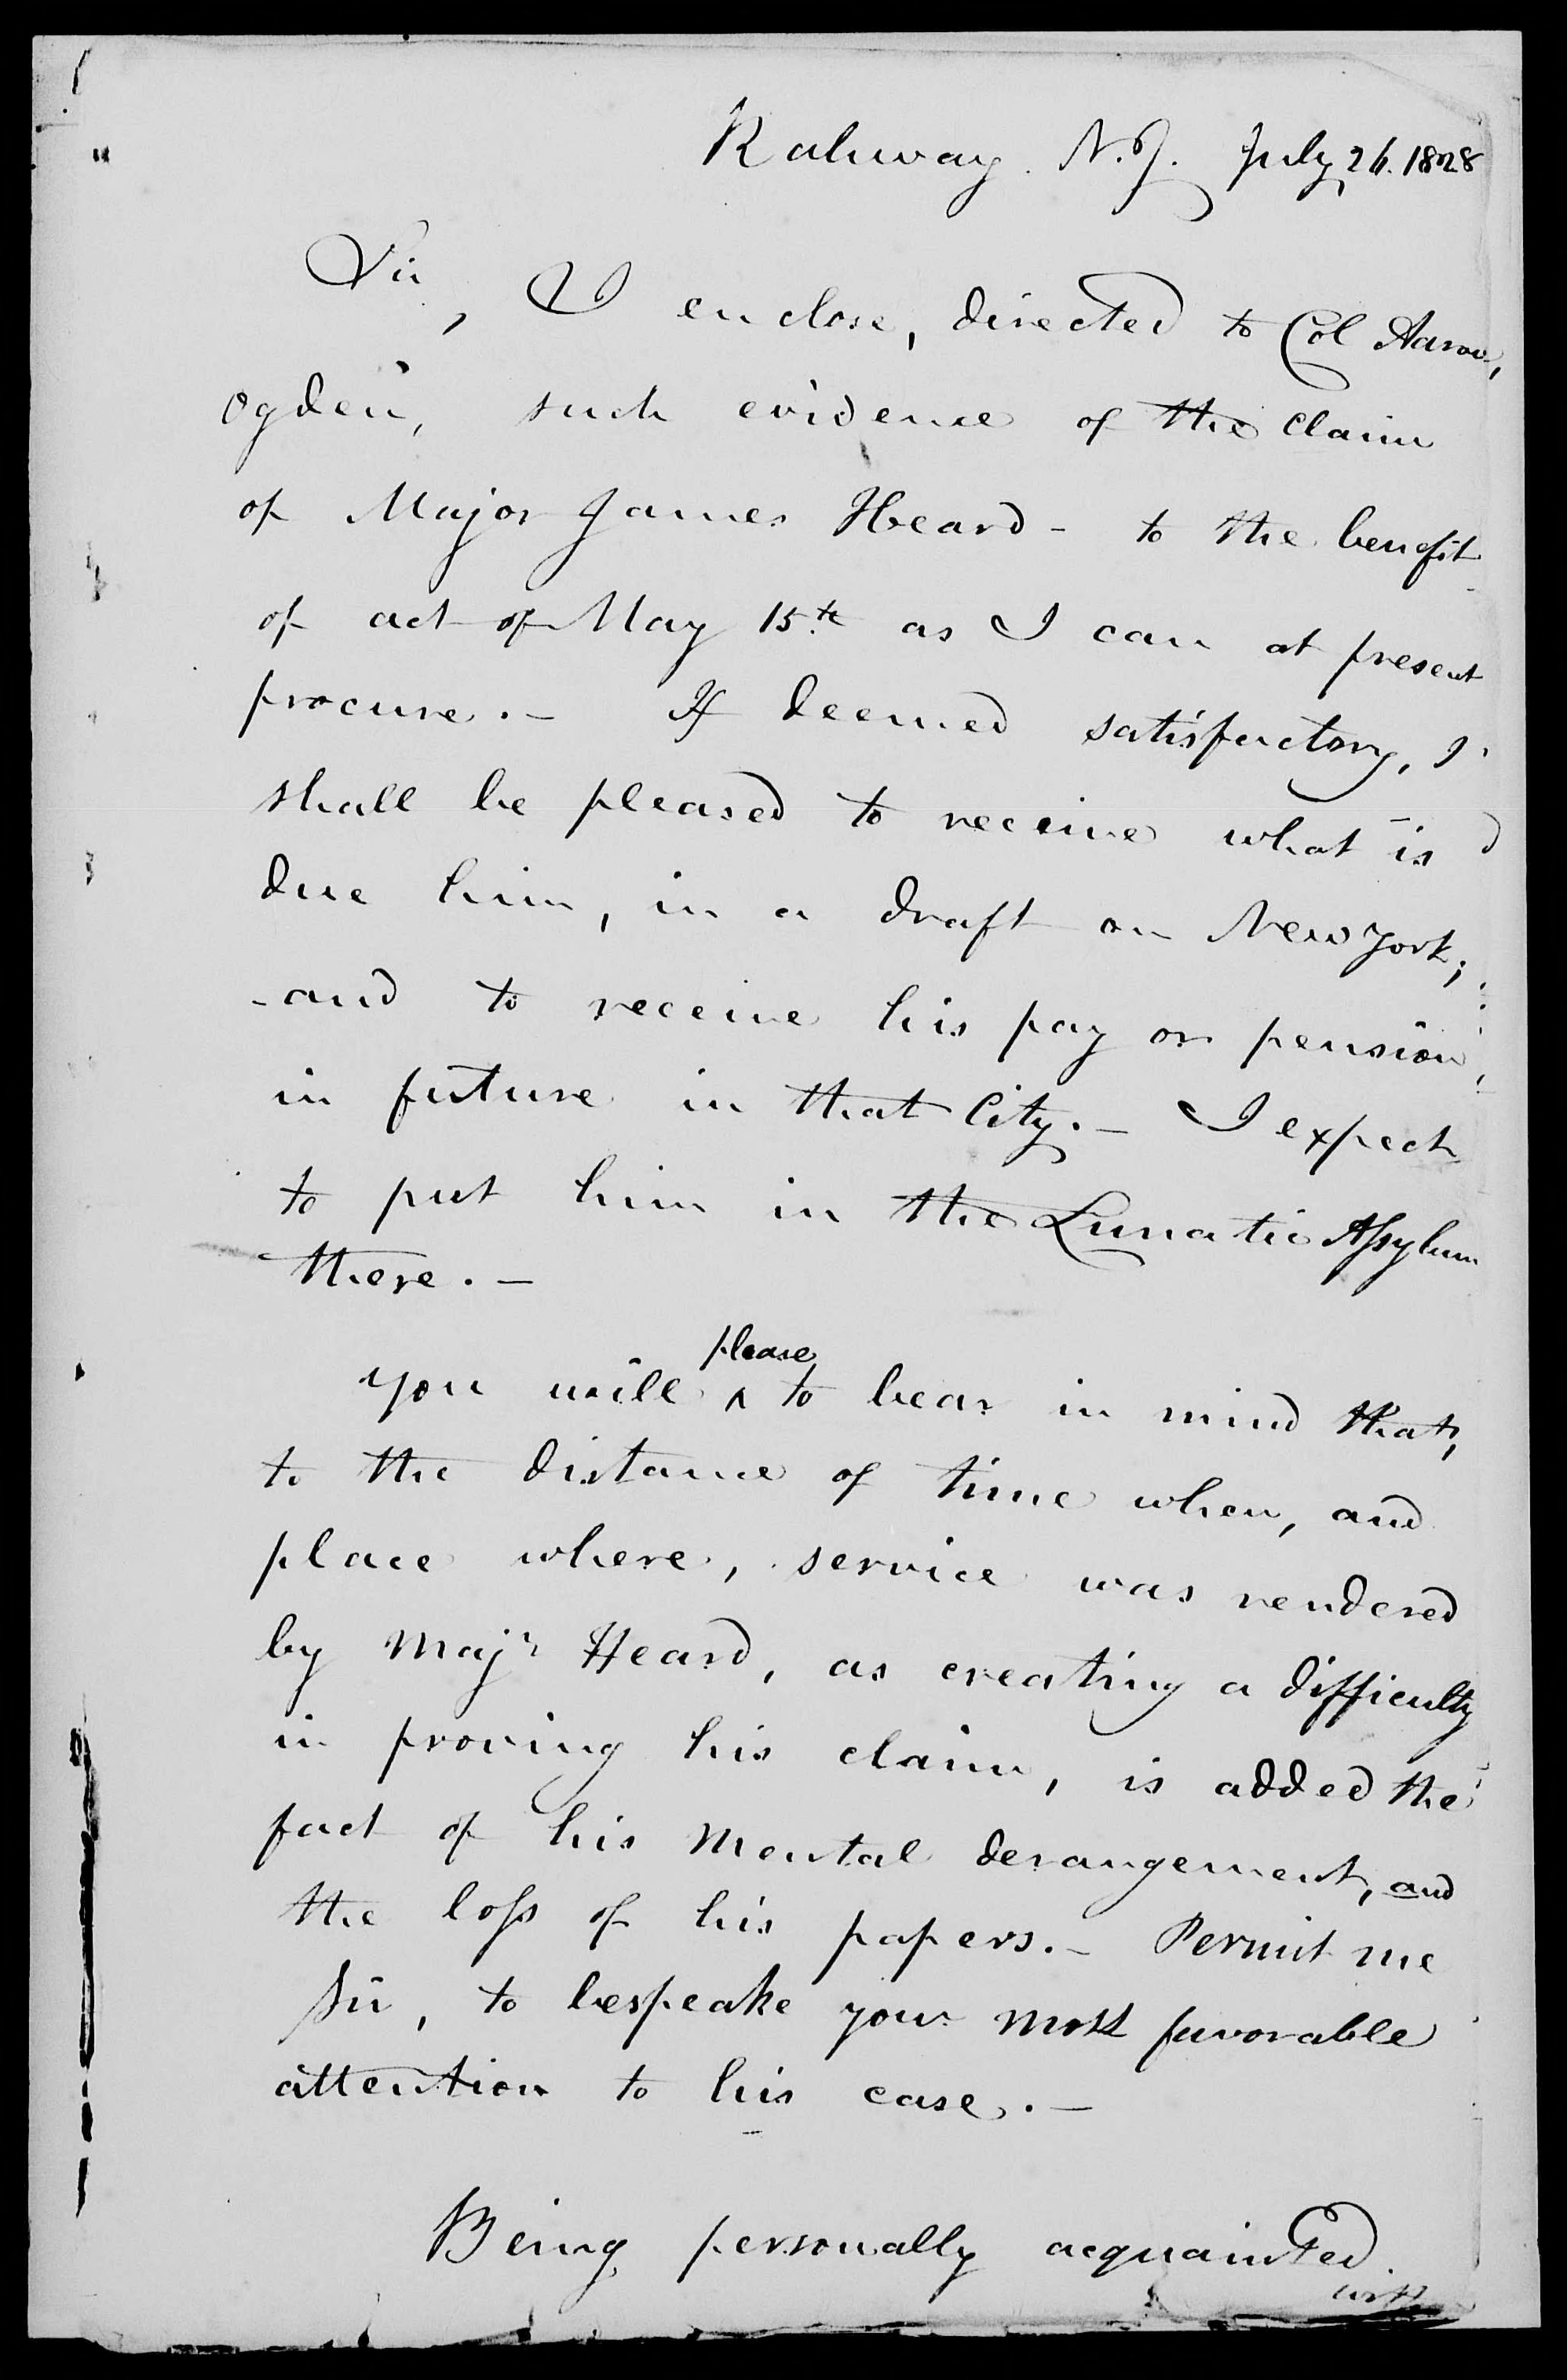July 26, 1828

Sir, 

I enclose, directed to Col. Aaron Ogden, such evidence of this claim of Major James Heard to the benefit of act of May 15th as I can at present procure. If deemed satisfactory, I shall be pleased to receive what is due him, in a draft on New York; and to receive his pay as pension in future in that city. I expect to put him in the lunatic asylum there. 

You will please do bear in mind that, to the distance of time when, and please where, service was rendered by Maj. Heard, as everything a difficult in providing his claim, is added the fact of his mental derangement, and the loss of his papers. Permit me, sir, to bespeak your most favorable attention to his case. 

Being personally acquainted with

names: James Heard, Heard, Aaron Ogden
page: 35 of 62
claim: survivor's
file: S. 540, James Heard, Continental - New Jersey Residence In 1818